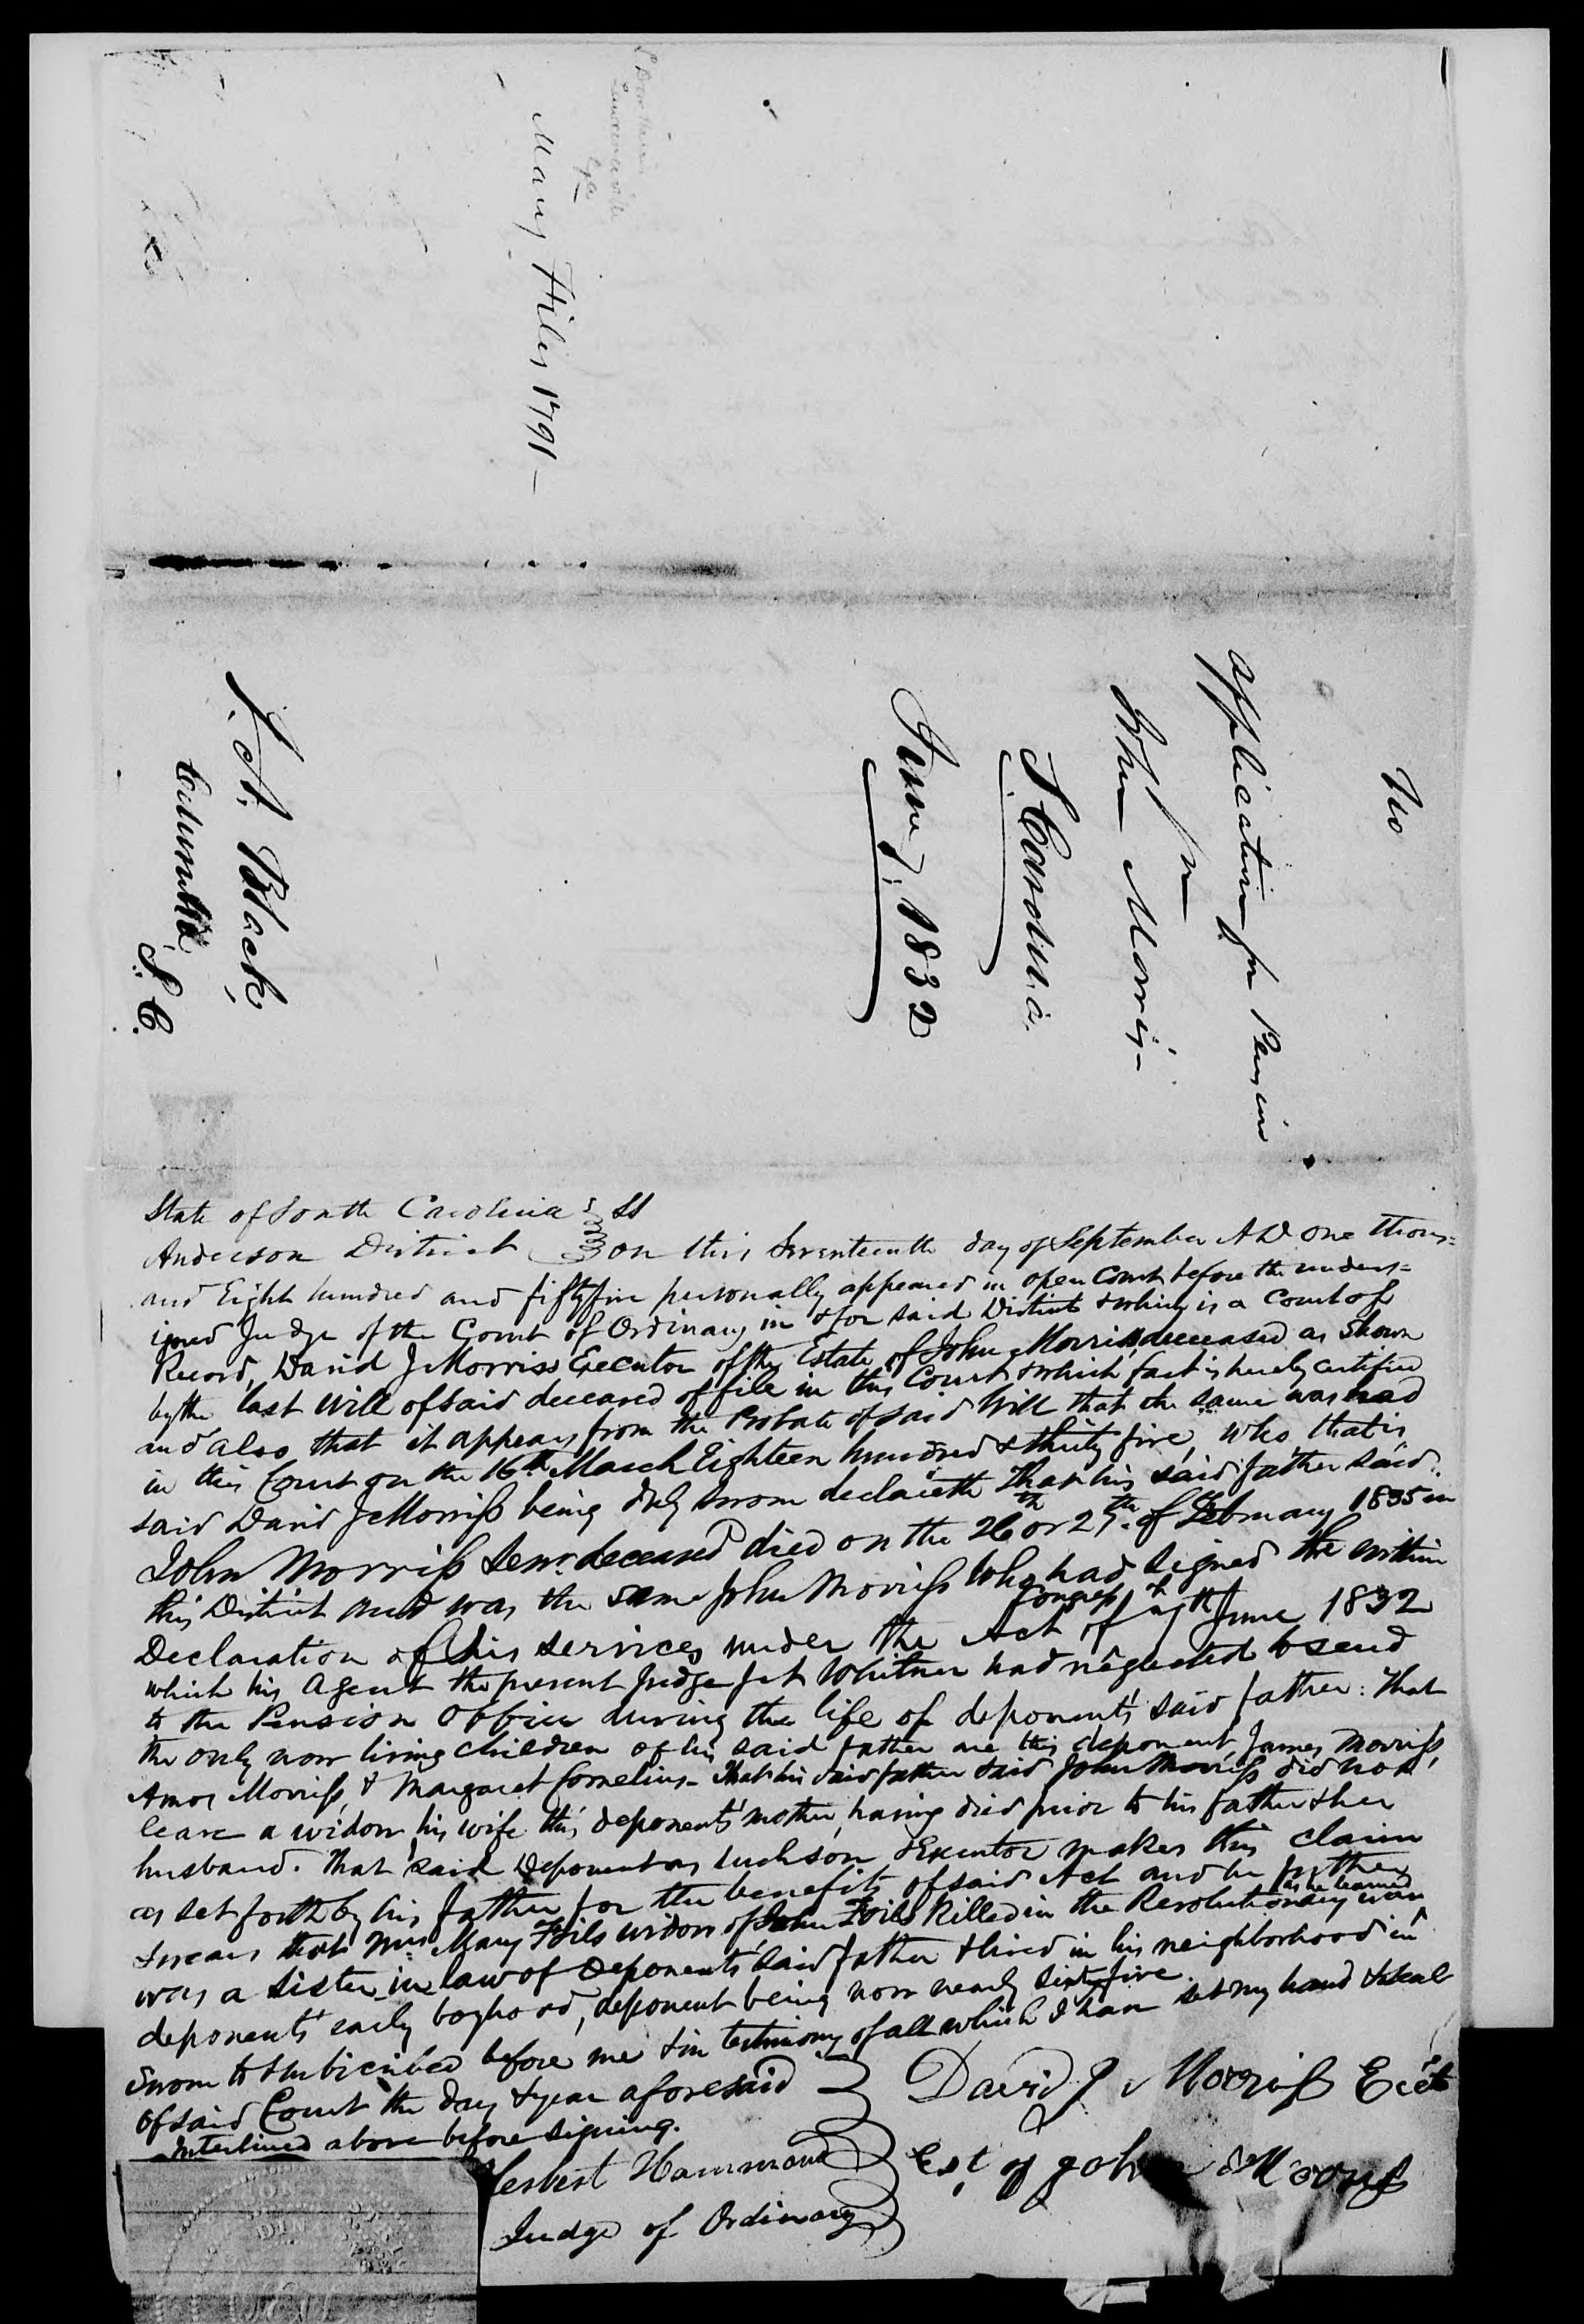[Illegible] Lawrenceville, Ga
Mary Files 1791
application for Pension
for John Morris S. Carolina
June 7, 1832
J.A. Black Columbia South Carolina

State of South Carolina
Anderson District on this Seventeenth day of September AD one thousand Eight hundred and fifty five personally appeared in open Court before the undersigned Judge of the Court of Ordinary in & for said District & which is a Court of Record, David J Morris Executor of the estate of John Morriss deceased as shown by the last Will of said deceased on file in the court the fact of which is hereby certified and also that it appears from the probate of said Will that the same was had in this Court on the 16th March Eighteen hundred & thirty five who that is said David J Morris being duly sworn declareth that his said Father said John Morris Senr deceased died on the 26th or 27th of February 1835 in this District and was the same John Morriss who had signed the within Declaration of his services under the Act of 7th June 1832 which his agent the present Judge JN Whitner had neglected to send to the Pension office during the life of deponents said father. That the
only now living children of his said father are this deponent, James Morriss, Amos Morris & Margaret Cornelius. That his said father said John Morriss did not leave a widow his wife this deponents mother having died prior to his father the
husband. That said Deponent as such son Executor makes this claim as set forth by his father for the benefits of said Act and he further swears that Mrs Mary Foils widow of John Foils killed in the Revolutionary War as he learned was a sister in law of
Deponents said father & lived in his neighborhood in deponents early boyhood, deponent being now nearly sixty five. s/ David J Morris  Execr Est of John Morriss
Sworn to subscribed before me & in testimony of all which I have set my hand & seal of said Court the day & year aforesaid. Interlined above before signing s/ Herbert Hammond Judge of Ordinary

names: David J Morriss; Herbert Hammond; J A Black; James Morriss; John Morriss; John Foils; Mary Foils; J N Whitner; Amos Morriss; Margaret Cornelius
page: 10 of 20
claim: rejected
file: R. 7407, for John Morriss, South Carolina